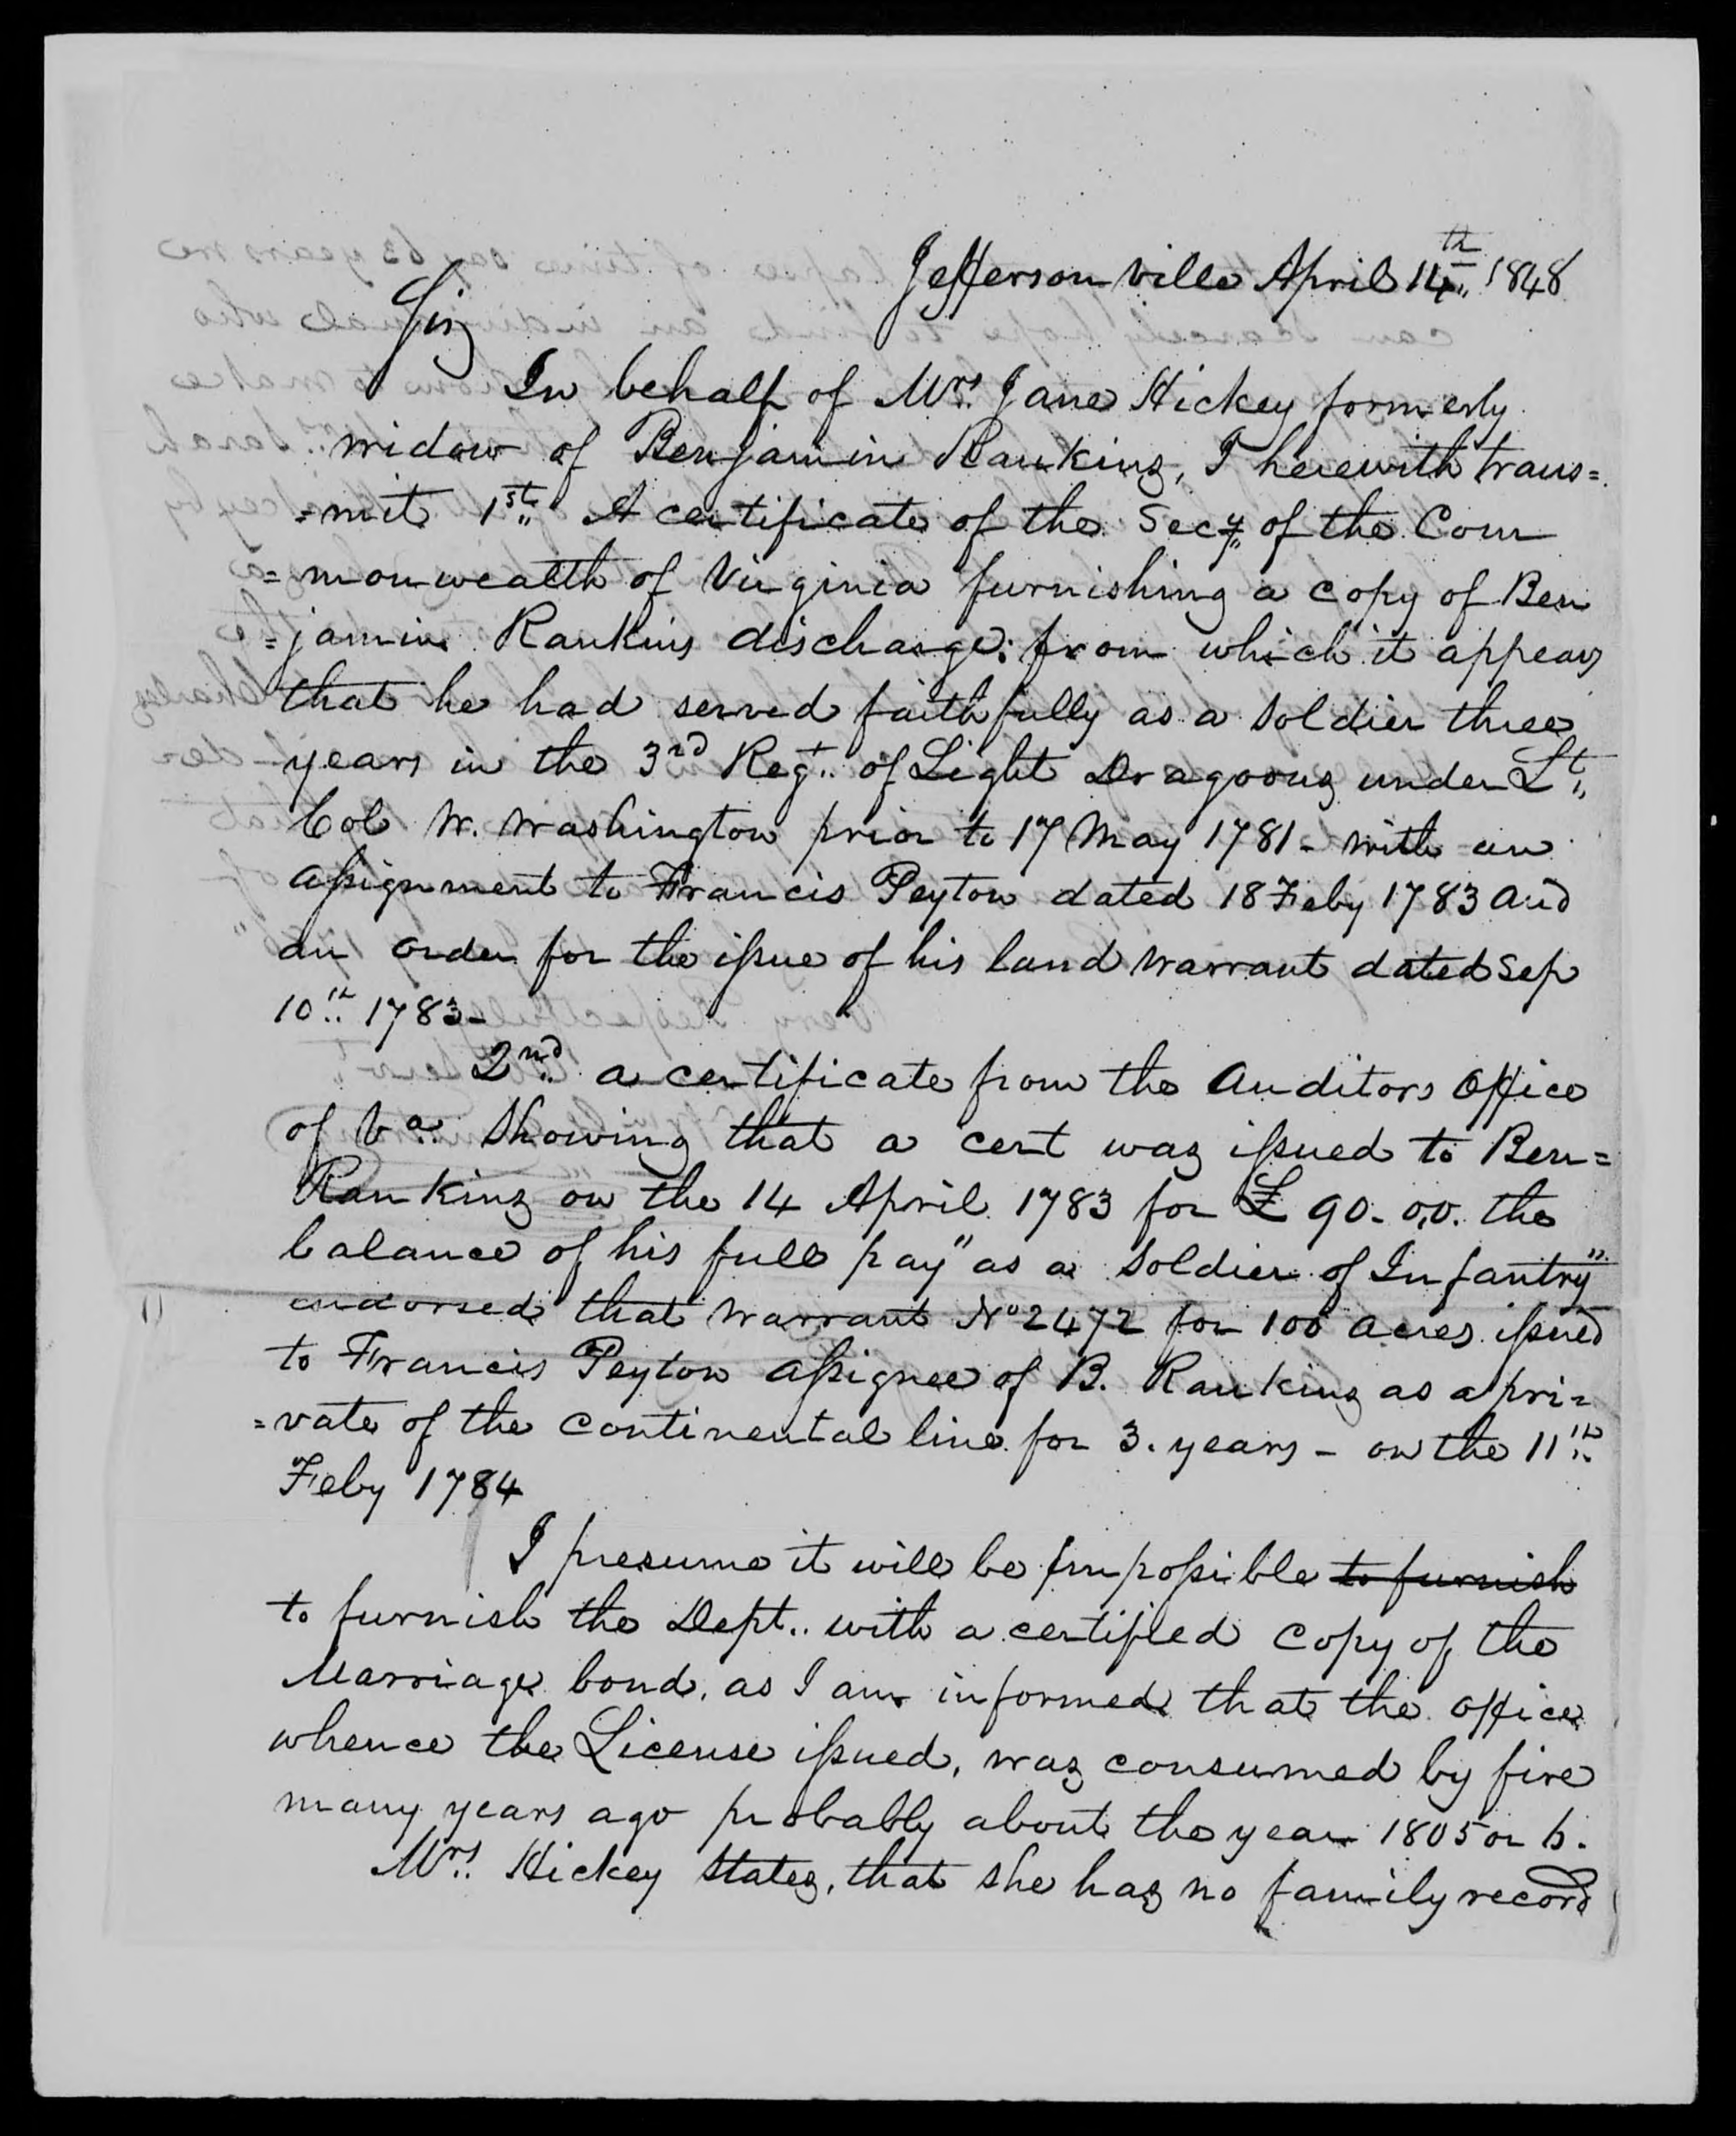Jeffersonville April 14th 1848
Sir
In behalf of Mrs Jane Hickey formerly
widow of Benjamin Rankins, I herewith transmit 1st A certificate of the Secy of the Commonwealth of Virginia furnishing a copy of Benjamin Rankins discharge from which it appears that he had served faithfully as a soldier three years in the 3rd Regt of Light Dragoons under Lt. Col W. Washington prior to 17 May 1781 with an assignment to Francis Peyton dated 18 Feby 1783 and in
order for the issue of his land warrant dated Sep 10th 1783-
2nd a certificate from the Auditors Office
of a showing that a cert was issued to Ben
Rankins on the 14 April 1783 for (sterling $) 90.00 the balance of his full pay, as a soldier of Infantry endorsed that Warrant No 2472 for 100 acres issued to Francis Peyton Assignee of B Rankins as a private of the Continental line for 3 years-- on the 11th Feby 1784
I presume it will be impossible to to furnish the Dept. with a certified copy of the Marriage bond, as I am informed that the office whence the License issued, was consumed by fire many years ago probably about the year 1805 or 6
Mrs Hickey states that she has no family record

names: W Washington, Francis Peyton, Jane Hickey, Ben Rankins, Benjamin Rankins, B Rankins, Francis Peyton, Hickey, Benjamin Rankins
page: 62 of 84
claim: widow's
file: W. 7744, Daniel Hickey, Penn.